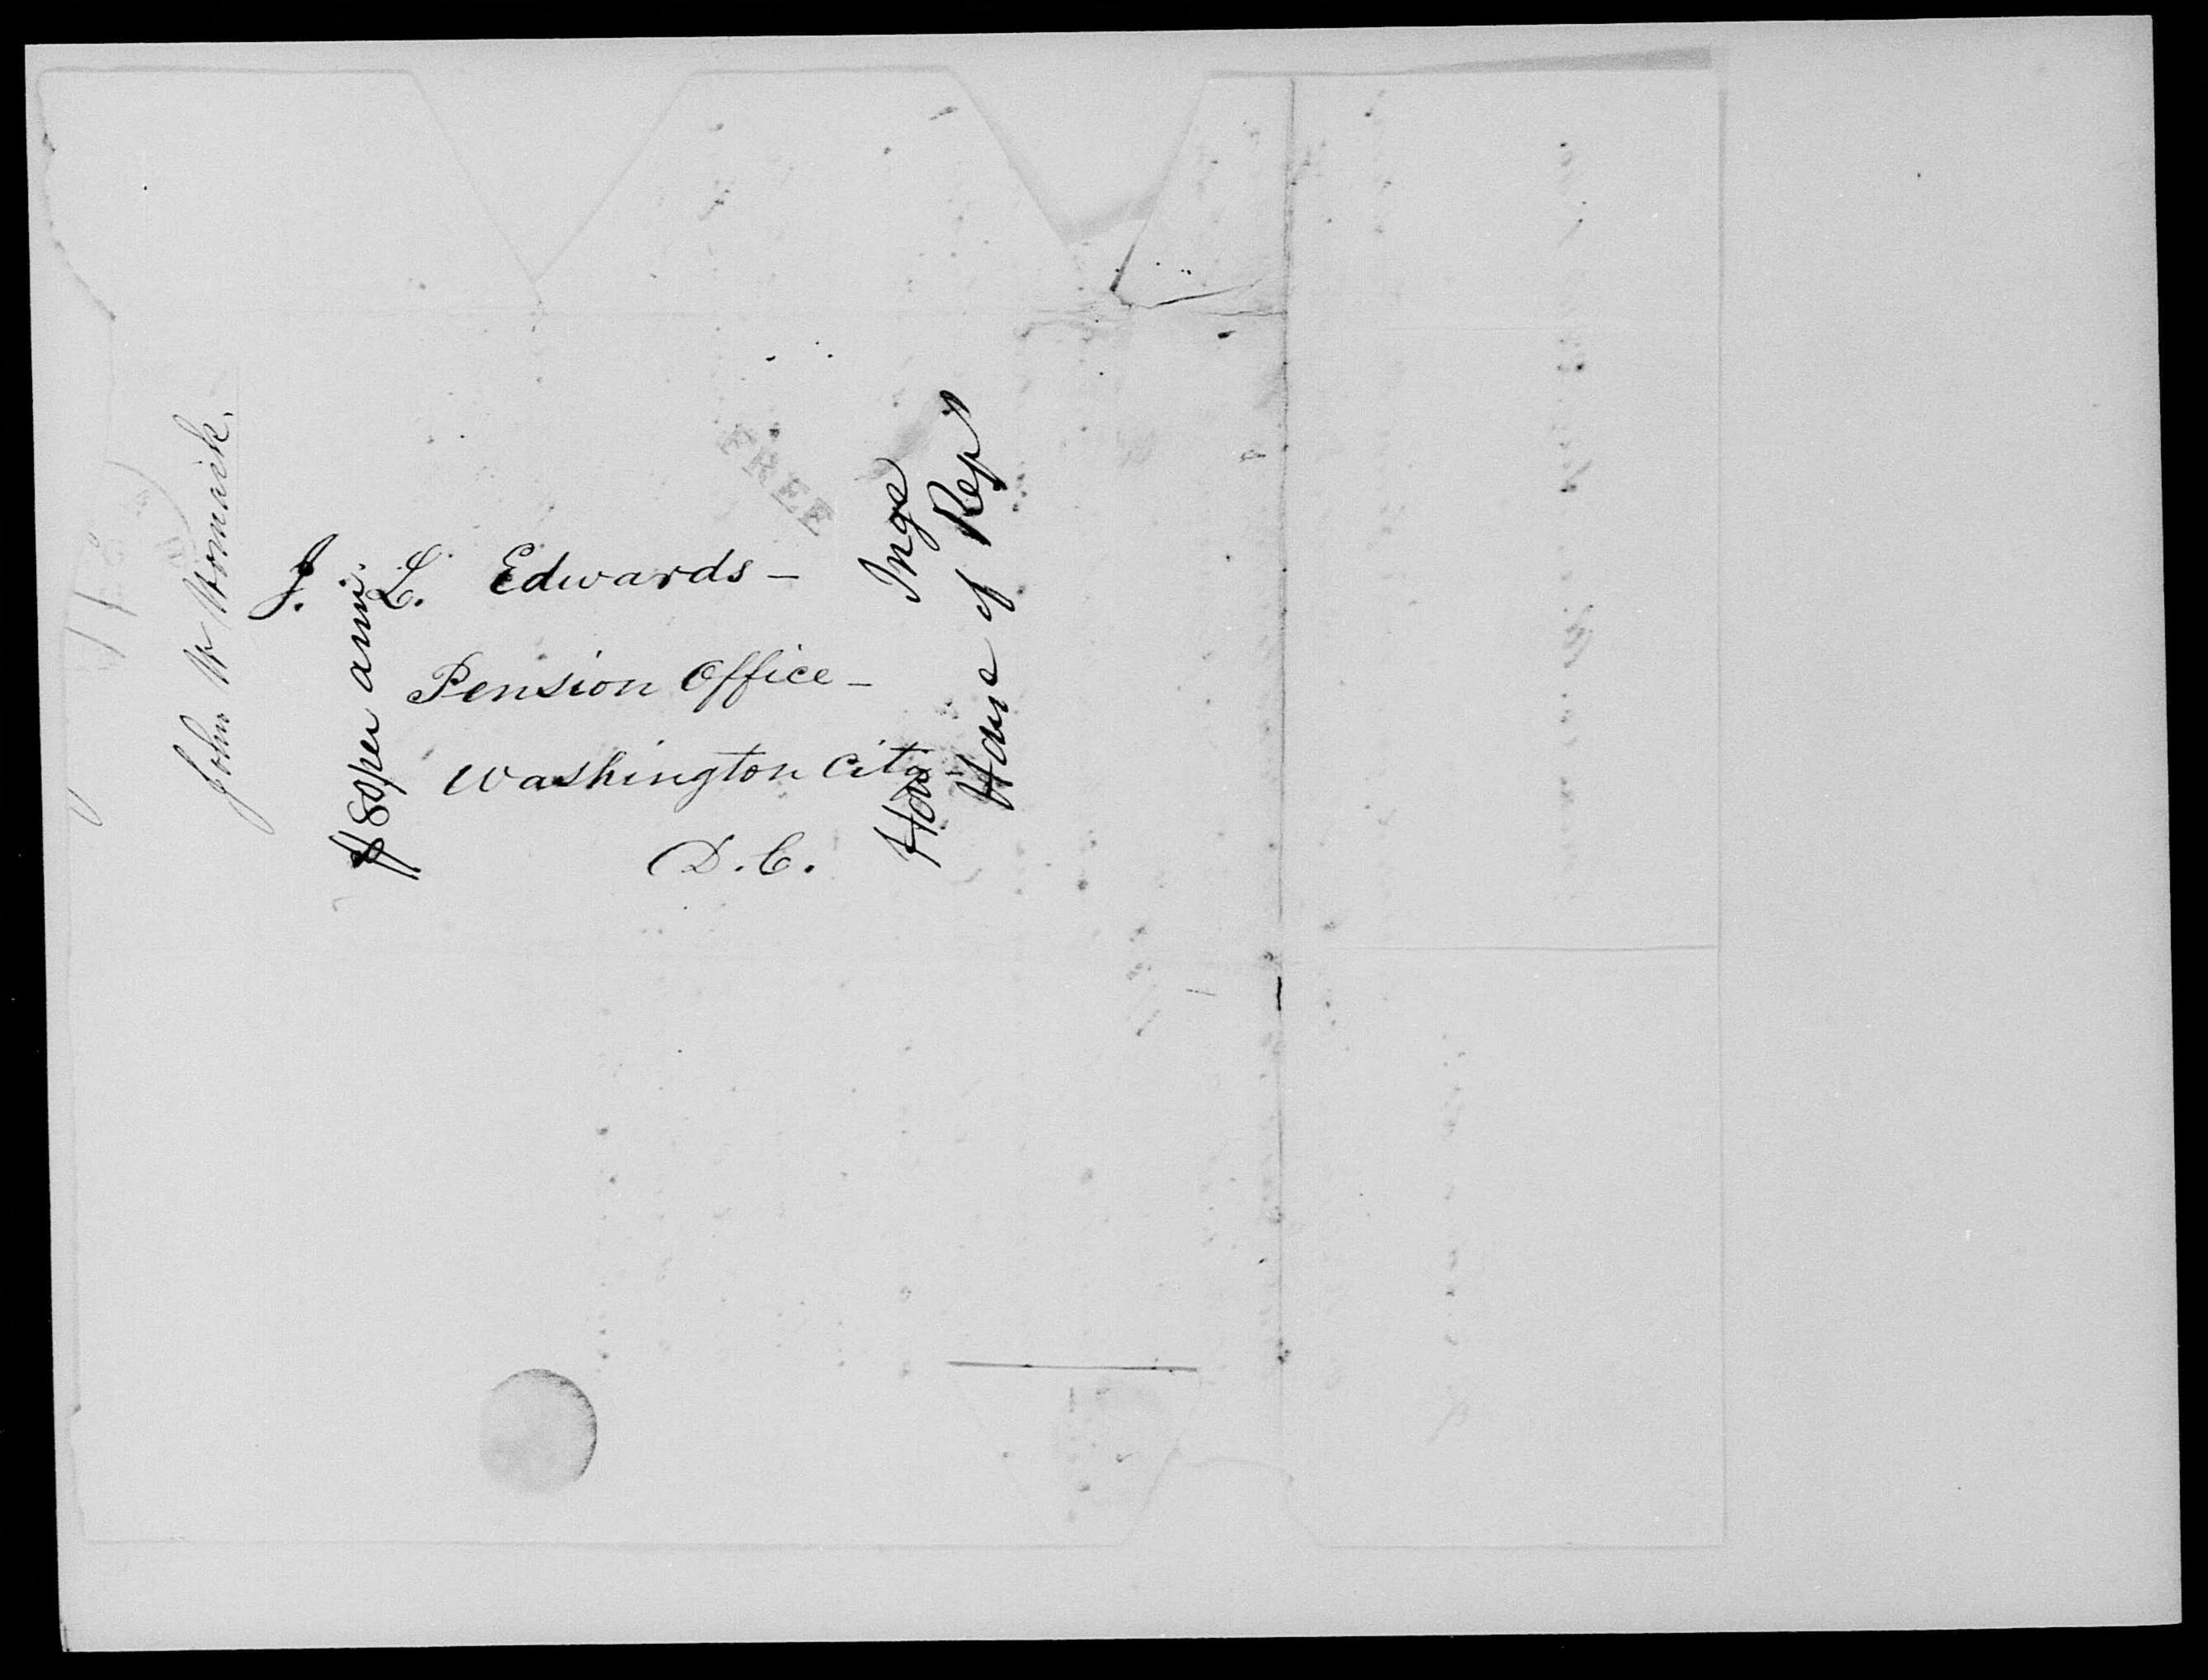[ink stamp "free"]
[seal]
J. L. Edwards -
Pension Office -
Washington City

John N Womack,
& Soper Ann.
Hon Inge
House of Reps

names: J L Edwards; [BLANK] Inge; John W Womack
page: 4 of 92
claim: widow's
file: W. 5522, for James Pettigrew, South Carolina